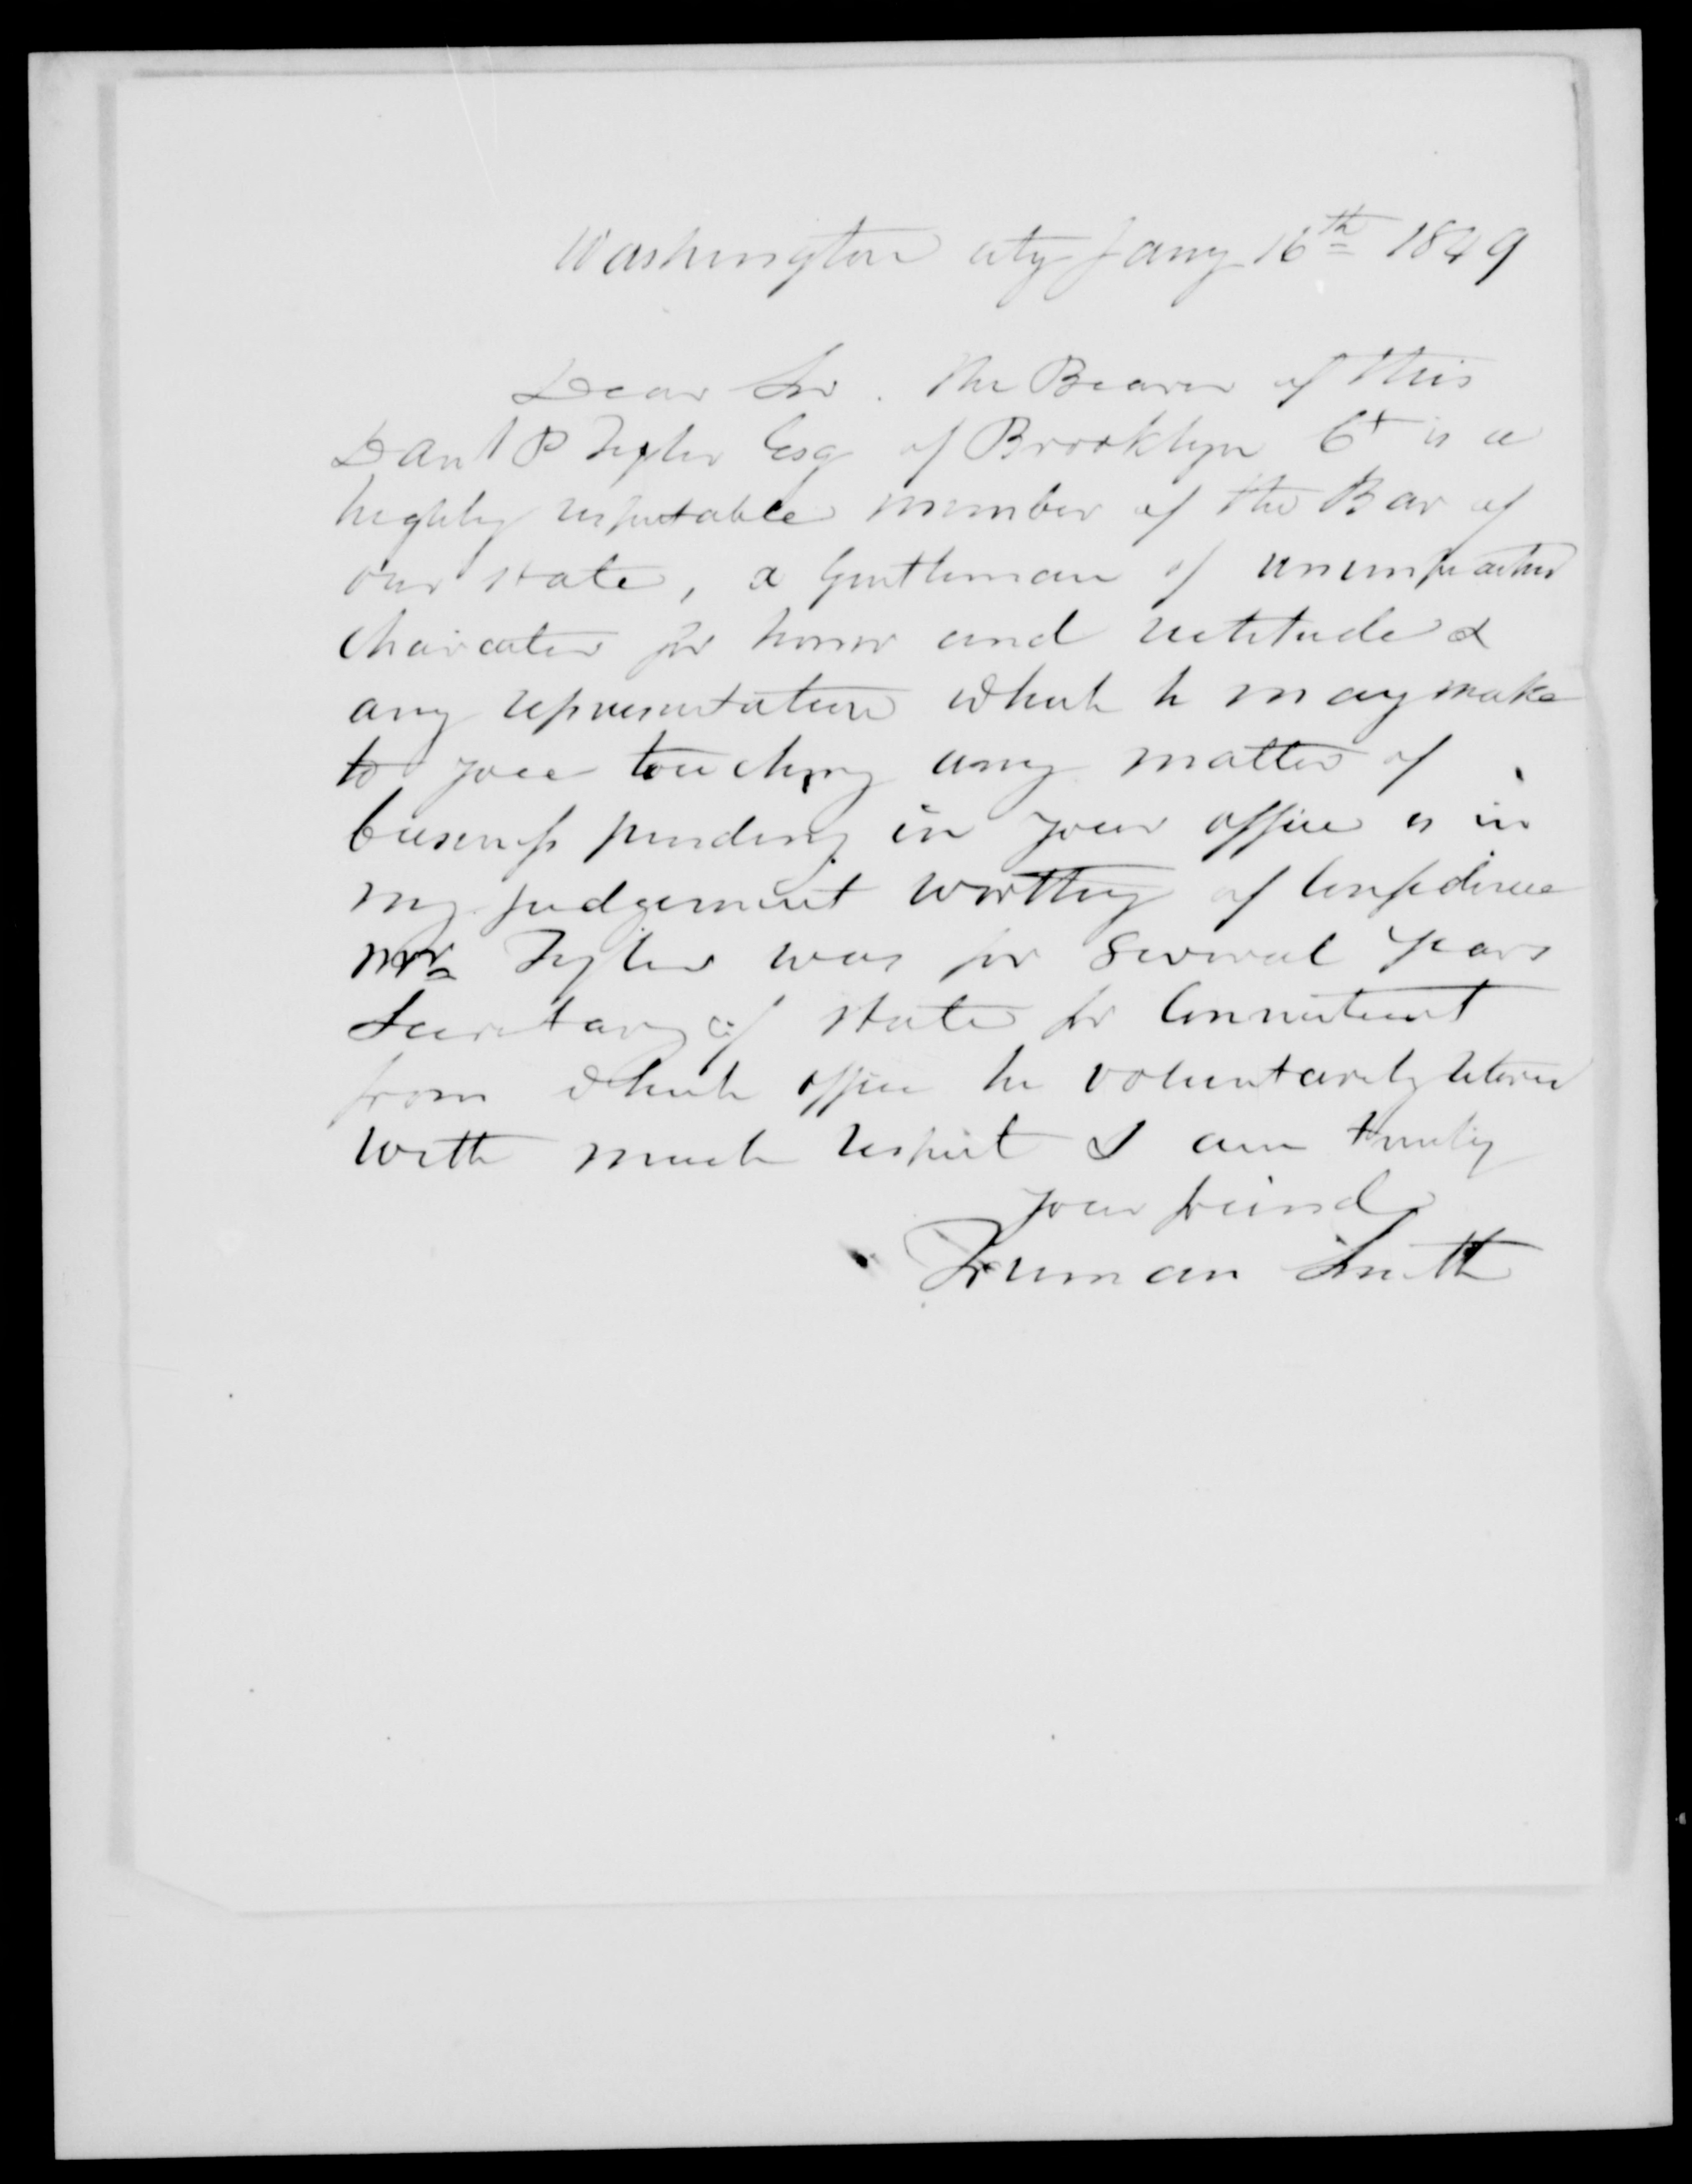Washington atty Jany 16th 1849

Dear Sir
Mr Brown of this Daniel P Tyler Esq of Brooklyn Ct is a highly reputable member of the Bar of Probate, a gentleman of unimpeachable character for _____ and ______ & any representation which I may make to you touching any matter of ____ pending in your office as in my judgement worthy of confidence Mr Tyler was in several years Secretary of  State of Connecticut from which office her voluntarily 
______ with much spirit 
I am truly your friend
Truman Smith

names: Truman Smith, Brown, Danl P Tyler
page: 36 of 53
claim: widow's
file: W 17707, Benjamin Weaver, R.I.